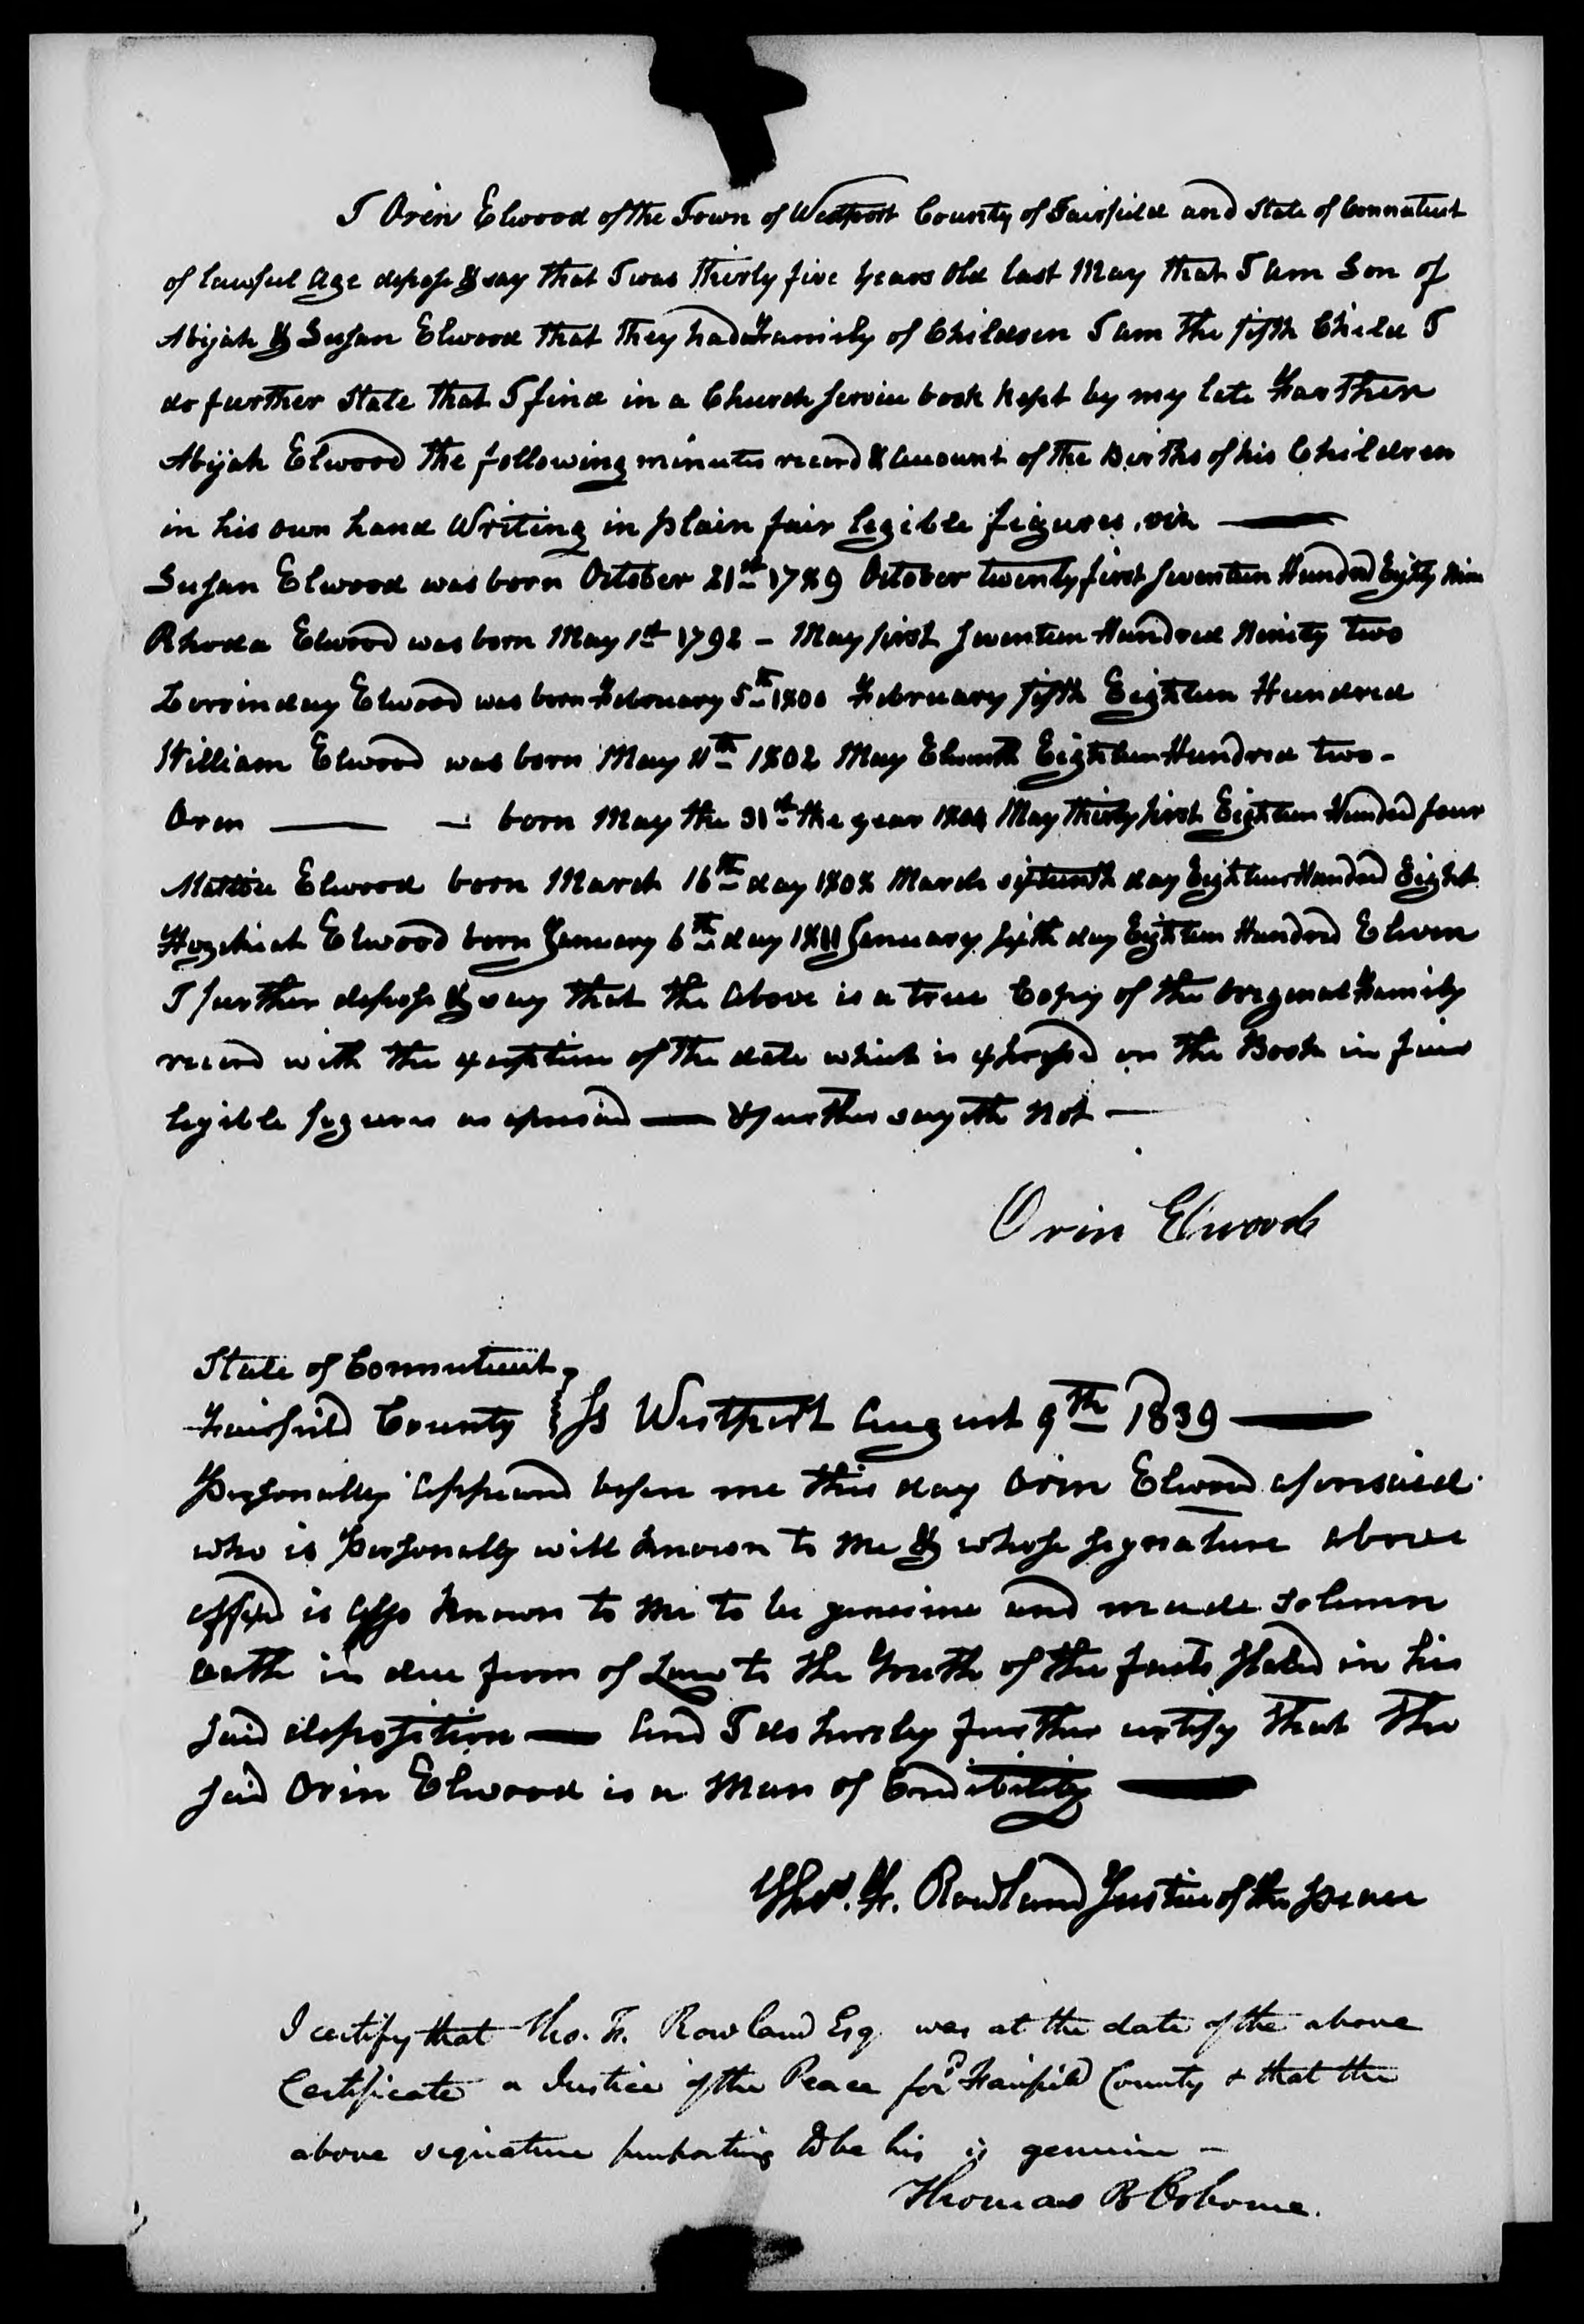I Orin Elwood of the town of Westport County of Fairfield and state of Connecticut of lawful age depose & say that I was thirty five years old last May that I am son of Abijah & Susan Elwood that they had a family of children I am the fifth child I do further state that I find in a church service book kept by my late Father Abijah Elwood the following minutes record & account of the births of his children in his own home writing in plain fair legible figures are-
Susan Elwood was born October 21, 1789- October twenty first seventeen hundred eighty nine
Rhoda Elwood was born May 1st 1792-May first seventeen hundred ninety two
Lorrinday Elwood was born February 5 1800- February fifth eighteen hundred
William Elwood was born May 11th 1802-May eleventh eighteen hundred & two
Orin Elwood was born May the 31st the year 1804-May thirty first eighteen hundred and four
Maltbie Elwood born March 16th day 1808-March sixteenth eighteen hundred and eight
Hezekiah Elwood born January 6th day 1811-January sixth eighteen hundred eleven
I further depose that the above is a true copy of the original family record with the exception of the date which is [unk] in the book in fine legible [unk] as aforesaid-& further saith not.

Orin Elwood

State of Connecticut
Fairfield County}ss

[unk] August 9th 1839-personally appeared before this day Orin Elwood aforesaid who is personally well known to me & who signature above affix is also known to me to be genuine and made solemn oath in due form of law to the the youth of the [unk] [unk] in his said deposition-and I do hereby further verify that the said Orin Elwood is a man of credibility.

Hon, H Rowland Justice of the Peace

I certify that Hon H Rowland Esq was at the date of the above certificate a Justice of the Peace for Fairfield County & that the above signature purporting who his is genuine.

Thomas R Osborne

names: Orin Elwood, William Elwood, Lorrinday Elwood, Abijah Elwood, Maltbie Elwood, Thomas R Osborne, Susan Elwood, Susan Elwood, Orin Elwood, Hezekiah Elwood, Orin Elwood, Rhoda Elwood, Abijah Elwood, Orin Elwood, Tho F Rowland, Thos F Rowland, Orin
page: 5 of 69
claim: widow's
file: W. 25562, Abijah Elwood, Conn.